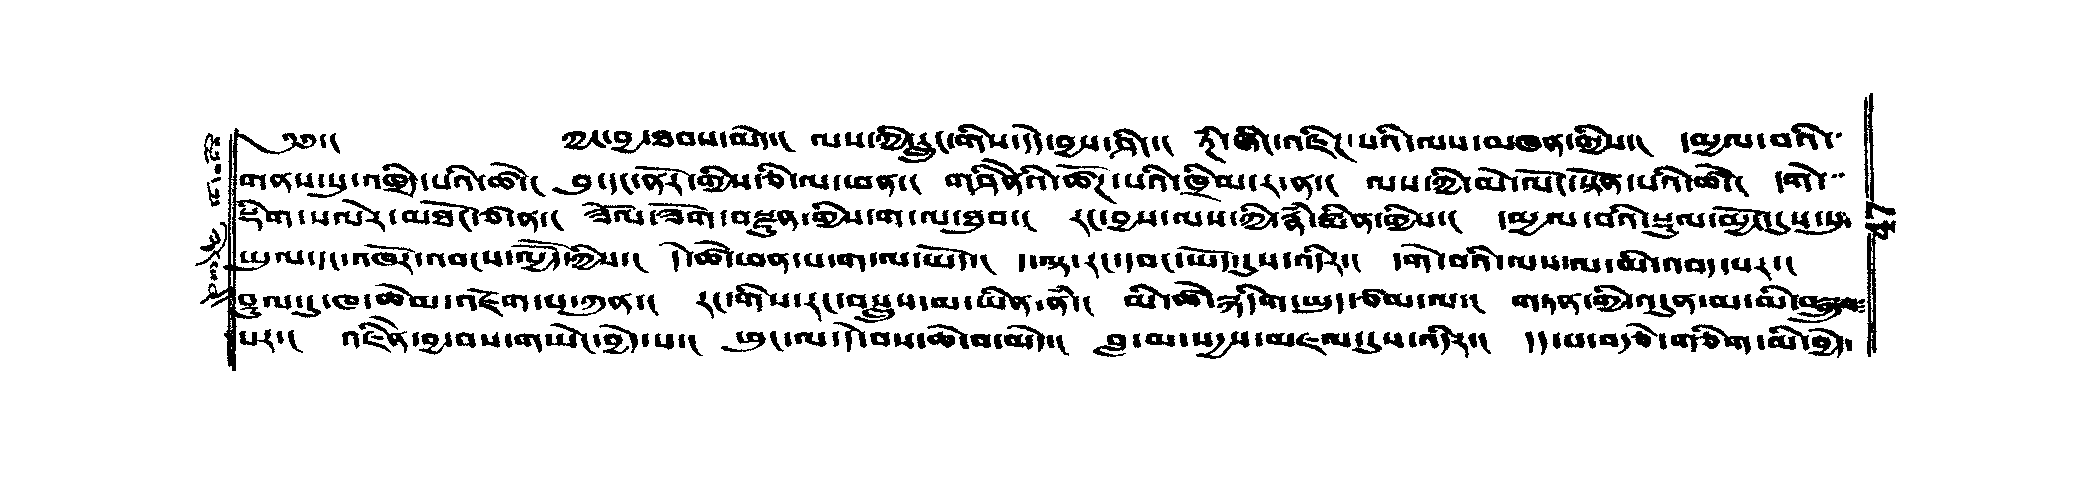ཀྱང་བྱ་ཐབས་མེད། །ལས་ཀྱི་རླུང་གིས་དེད་བྱས་ཤིང་། །རྔམ་ཞིང་འཇིགས་པའི་ལས་མཁན་གྱིས། །དམྱལ་བའི་
གནས་སུ་འཁྲིད་པའི་ཚེ། །བུ་དང་ནོར་གྱིས་ཅི་ལ་ཕན། །གཤིན་རྗེའི་ཚོགས་པའི་ཁྲིམས་ར་ན། །ལས་ཀྱི་མེ་ལོང་བསྟན་པའི་ཚེ། །དགེ་
སྡིག་ས་ལེར་མཐོང་ཙ་ན། །ཟོལ་ཟོག་རྫུན་གྱིས་ག་ལ་ཐུབ། །རང་བྱས་ལས་ཀྱི་རྣམ་སྨིན་གྱིས། །དམྱལ་བའི་སྡུག་བསྔལ་མྱོང་དུས་སུ། །
ཡུལ་དང་འཁོར་འབངས་ལོངས་སྤྱོད་ཀྱིས། །དེ་ཚེ་ཕན་པ་ག་ལ་ཡོད། །ད་ལྟ་རང་དབང་ཡོད་དུས་འདིར། །དགེ་བའི་ལས་ལ་མི་འབད་པར། །
ཤུལ་དུ་ཁ་ཆེམ་འཇོག་པ་ཀུན། །རང་གིས་རང་བསླུ་མ་ཡིན་ནམ། །མི་ཚེ་སྐད་ཅིག་ཡུད་ཙམ་ལ། །གཏན་གྱི་བདུན་མ་མི་བསྒྲུབ་
པར། །འཇིག་རྟེན་བྱ་བས་གཡེང་བྱེད་པ། །ཕུང་ལ་དེ་བས་ཆེ་བ་མེད། །བླ་མ་སངས་རྒྱས་མཇལ་དུས་འདིར། །དད་པ་རྩེ་གཅིག་མི་བྱེད་